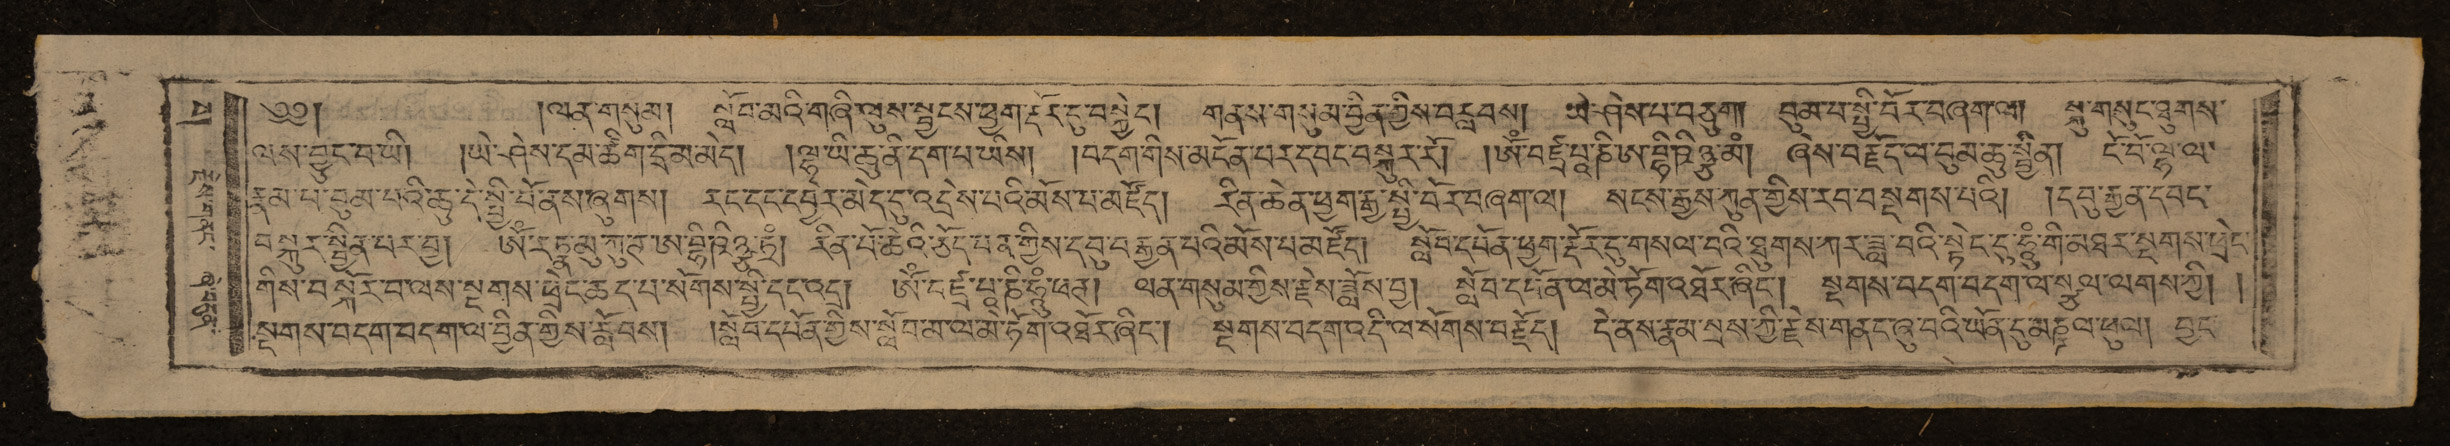༄༅། །ལན་གསུམ། སློབ་མའི་གཞི་ལུས་སྦྱངས་ཕྱག་རྡོར་དུ་བསྐྱེད། གནས་གསུམ་བྱིན་གྱིས་བརླབས། ཡེ་ཤེས་པ་བཅུག། བུམ་པ་སྤྱི་བོར་བཞག་ལ། སྐུ་གསུང་ཐུགས་
ལས་བྱུང་བ་ཡི། །ཡེ་ཤེས་དམ་ཚིག་དྲི་མ་མེད། །ལྷ་ཡི་ཆུ་ནི་དག་པ་ཡིས། །བདག་གིས་མངོན་པར་དབང་བསྐུར་རོ། །ཨོཾ་བཛྲ་པཱ་ཎི་ཨ་བྷི་ཥིཉྩ་མཾ། ཞེས་བརྗོད་ལ་བུམ་ཆུ་སྦྱིན། ངོ་བོ་ལྷ་ལ་
རྣམ་པ་བུམ་པའི་ཆུ་དེ་སྤྱི་བོ་ནས་ཞུགས། རང་དང་དབྱེར་མེད་དུ་འདྲེས་པའི་མོས་པ་མཛོད། རིན་ཆེན་ཕྱག་རྒྱ་སྤྱི་བོར་བཞག་ལ། སངས་རྒྱས་ཀུན་གྱིས་རབ་བསྔགས་པའི། །དབུ་རྒྱན་དབང་
བསྐུར་སྦྱིན་པར་བྱ། ཨོཾ་རཏྣ་མུ་ཀུཊ་ཨ་བྷི་ཥིཉྩ་ཏྲཾ། རིན་པོ་ཆེའི་ཅོད་པན་གྱིས་དབུ་བརྒྱན་པའི་མོས་པ་མཛོད། སློབ་དཔོན་ཕྱག་རྡོར་དུ་གསལ་བའི་ཐུགས་ཀར་ཟླ་བའི་སྟེང་དུ་ཧཱུཾ་གི་མཐར་སྔགས་ཕྲེང་
གིས་བསྐོར་བ་ལས་སྔགས་ཕྲེང་ཆད་པ་སོགས་སྤྱི་དང་འདྲ། ཨོཾ་བཛྲ་པཱ་ཎི་ཧཱུཾ་ཕཊ། ལན་གསུམ་གྱིས་རྗེས་ཟློས་བྱ། སློབ་དཔོན་ལ་མེ་ཏོག་འཐོར་ཞིང་། སྔགས་བདག་བདག་ལ་སྩལ་ལགས་ཀྱི། །
སྔགས་བདག་བདག་ལ་བྱིན་གྱིས་རློབས། །སློབ་དཔོན་གྱིས་སློབ་མ་ལ་མེ་ཏོག་འཐོར་ཞིང་། སྔགས་བདག་འདི་ལ་སོགས་བརྗོད། དེ་ནས་རྣམ་སྲས་ཀྱི་རྗེས་གནང་ཞུ་བའི་ཡོན་དུ་མཎྜལ་ཕུལ། བྱང་